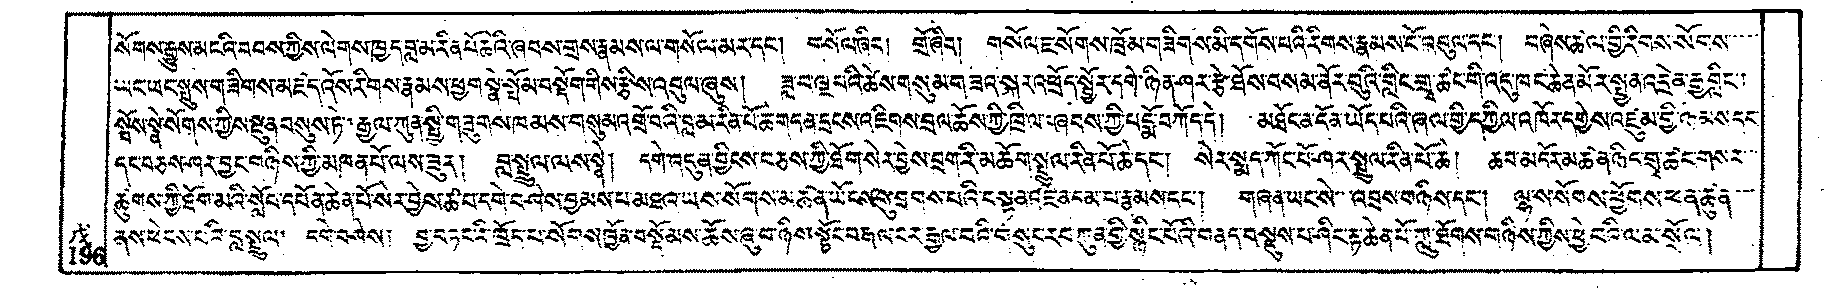སོགས་རྒྱུས་མངའི་བབས་ཀྱིས་ལེགས་ཁྱད་བླ་མ་རིན་པོ་ཆེའི་ཞབས་གྲས་རྣམས་ལ་གསོལ་མར་དང་། གསོལ་ཞིབ། གྲོ་ཞིབ། གསོལ་ཇ་སོགས་ཁྲོམ་གཟིགས་མི་དགོས་པའི་རིགས་རྣམས་ངོ་འབུལ་དང་། བཞེས་ཚལ་གྱི་རིགས་སོགས་
ཡང་ཡང་སྤུས་གཟིགས་མཛད་འོས་རིགས་རྣམས་ཕྱག་སྣེ་སྤོམ་བསྡོག་གིས་རྩིས་འབུལ་ཞུས། ཟླ་བ་ལྔ་པའི་ཚེས་གསུམ་གཟའ་སྐར་འཕྲོད་སྦྱོར་དགེ་ཉིན་ཤར་རྩེ་ཐོས་བསམ་ནོར་བུའི་གླིང་གྲྭ་ཚང་གི་འདུ་ཁང་ཆེན་མོར་སྤྱན་འདྲེན་རྒྱ་གླིང་།
སྤོས་སྣེ་སོགས་ཀྱིས་སྔུན་བསུས་ཏེ་༧རྒྱལ་ཀུན་སྤྱི་གཟུགས་ཁམས་གསུམ་འགྲོ་བའི་བླ་མ་རིན་པོ་ཆེ་གདན་དྲངས་འཇིགས་བྲལ་ཆོས་ཀྱི་ཁྲི་ལ་༧ཞབས་ཀྱི་པདམོ་བཀོད་དེ། མཐོང་ན་དོན་ཡོད་པའི་ཞལ་གྱི་དཀྱིལ་འཁོར་དགྱེས་འཛུམ་གྱི་ཉམས་དང་
དང་བཅས་ཤར་བྱང་གཉིས་ཀྱི་མཁན་པོ་ལས་ཟུར། བླ་སྤྲུལ་ལས་སྣེ། དགེ་འདུན་བྱིངས་བཅས་ཀྱི་ཐོག་སེར་བྱེས་བྲག་རི་མཆོག་སྤྲུལ་རིན་པོ་ཆེ་དང་། སེར་སྨད་ཀོང་པོ་ཤར་སྤྲུལ་རིན་པོ་ཆེ། ཆབ་མདོར་མཚན་ཉིད་གྲྭ་ཚང་གསར་
ཚུགས་ཀྱི་ཐོག་མའི་སློབ་དཔོན་ཆེན་པོ་སེར་བྱེས་ཚ་བ་དགེ་བཤེས་བྱམས་པ་མཐའ་ཡས་སོགས་མཚན་ཡོངས་སུ་གྲགས་པའི་བསྟན་འཛིན་དམ་པ་རྣམས་དང་། གཞན་ཡང་སེ་འབྲས་གཉིས་དང་། ལྷ་ས་སོགས་ཕྱོགས་ཕན་ཚུན་
ནས་ཕེབས་པའི་བླ་སྤྲུལ། དགེ་བཤེས། བྱ་བཏང་རི་ཁྲོད་པ་སོགས་ཁྱོན་བསྡོམས་ཆོས་ཞུ་བ་ཉིས་སྟོང་བརྒལ་བར་རྒྱལ་བའི་གསུང་རབ་ཀུན་གྱི་སྙིང་པོའི་གནད་བསྡུས་པ་ཤིང་རྟ་ཆེན་པོ་ཀླུ་ཐོགས་གཉིས་ཀྱིས་ཕྱེ་བའི་ལམ་སྲོལ།